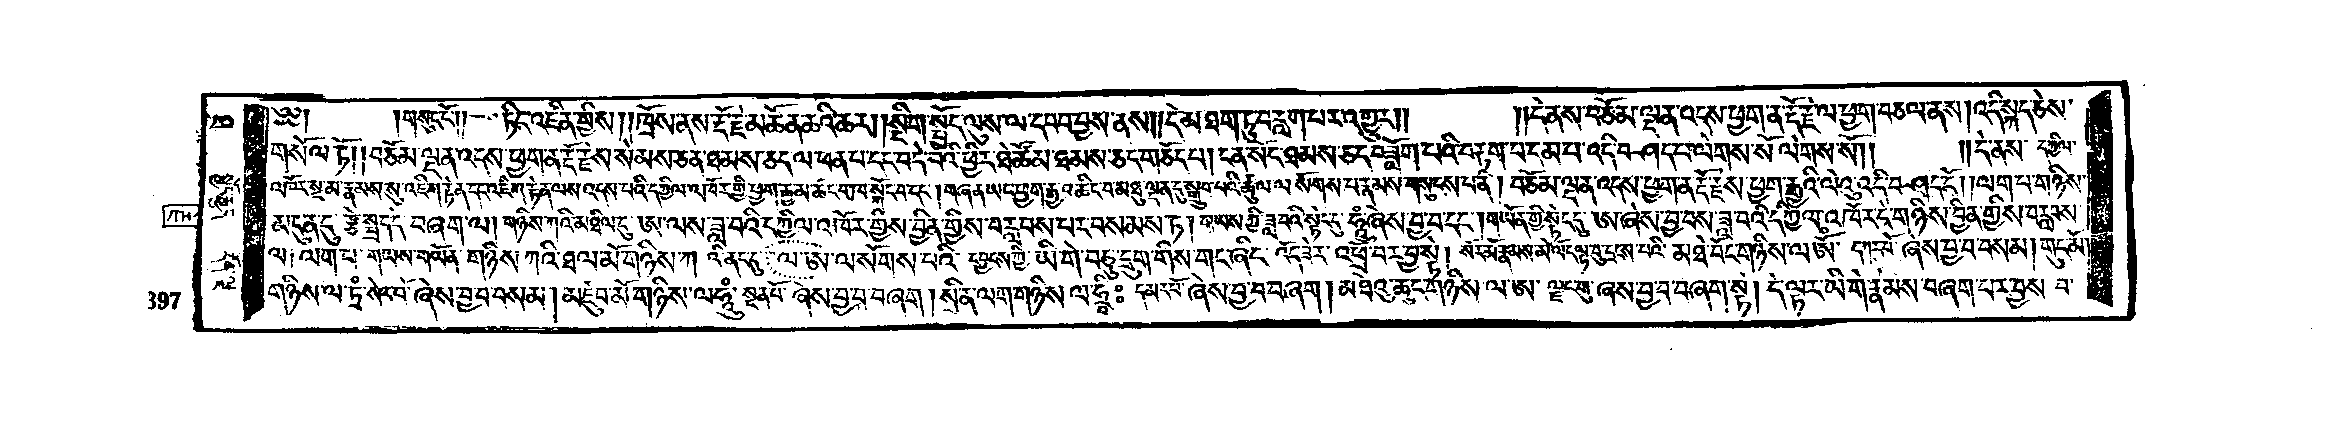༄༅། །གསུང་ངོ། །.H ཏིང་འཛིན་གྱིས། །ཁྲོས་ནས་རྡོ་རྗེ་མཚོན་ཆའི་ཆར། །སྡིག་སྤྱོད་ལུས་ལ་དབབ་བྱས་ནས། །དེ་མ་ཐག་ཏུ་བརླག་པར་འགྱུར།། །།དེ་ནས་བཅོམ་ལྡན་འདས་ཕྱག་ན་རྡོ་རྗེ་ལ་ཕྱག་བཙལ་ནས། །འདི་སྐད་ཅེས་
གསོལ་ཏོ། །བཅོམ་ལྡན་འདས་ཕྱག་ན་རྡོ་རྗེས་སེམས་ཅན་ཐམས་ཅད་ལ་ཕན་པ་དང་བདེ་བའི་ཕྱིར་ཐེ་ཚོམ་ཐམས་ཅད་གཅོད་པ། ངན་སོང་ཐམས་ཅད་བཟློག་པའི་བརྟག་པ་དམ་པ་འདི་བཤད་པ་ལེགས་སོ་ལེགས་སོ།། །།དེ་ནས་དཀྱིལ་
འཁོར་སྔ་མ་རྣམས་སུ་འཇིག་རྟེན་དང་འཇིག་རྟེན་ལས་འདས་པའི་དཀྱིལ་འཁོར་གྱི་ཕྱག་རྒྱ་མ་ཚང་བ་ཁ་སྐོང་བ་དང་། གཞན་ཡང་ཕྱག་རྒྱ་འཆིང་བ་མཐུ་ལྡན་དུ་སྒྲུབ་པའི་ཚུལ་ལ་སོགས་པ་རྣམས་གསུངས་པ་ནི། བཅོམ་ལྡན་འདས་ཕྱག་ན་རྡོ་རྗེས་ཕྱག་རྒྱའི་ལེའུ་འདི་བཤད་དོ། །ལག་པ་གཉིས་
མདུན་དུ་རྩེ་སྤྲད་དེ་བཞག་ལ། གཉིས་ཀའི་མཐིལ་དུ་ཨ་ལས་ཟླ་བའི་དཀྱིལ་འཁོར་གྱིས་བྱིན་གྱིས་བརླབས་པར་བསམས་ཏེ། གཡས་ཀྱི་ཟླ་བའི་སྟེང་དུ་ཧཱུཾ་ཞེས་བྱ་བ་དང་། གཡོན་གྱི་སྟེང་དུ་ཨ་ཞེས་བྱ་བས་ཟླ་བའི་དཀྱིལ་འཁོར་དེ་གཉིས་བྱིན་གྱིས་བརླབས་
ལ། ལག་པ་གཡས་གཡོན་གཉིས་ཀའི་ཐལ་མོ་གཉིས་ཀའི་ནང་དུ་ལ་ཨ་ལ་སོགས་པའི་དབྱངས་ཀྱི་ཡི་གེ་བཅུ་དྲུག་གིས་གང་ཞིང་འོད་ཟེར་འཕྲོ་བར་བྱ་སྟེ། སོར་མོ་རྣམས་མེ་ལོང་ལྟ་བུ་དྲངས་པའི་མཐེ་བོང་གཉིས་ལ་ཨོཾ་དཀར་པོ་ཞེས་བྱ་བ་བསམ། གུང་མོ་
གཉིས་ལ་ཏྲཾ་སེར་པོ་ཞེས་བྱ་བ་བསམ། མཛུབ་མོ་གཉིས་ལ་ཧཱུཾ་སྔོན་པོ་ཞེས་བྱ་བ་བཞག །སྲིན་?་ལག་གཉིས་ལ་ཧྲཱིཿ དམར་པོ་ཞེས་བྱ་བ་བཞག །མཐེའུ་ཆུང་གཉིས་ལ་ཨ་ལྗང་བུ་ཞས་བྱ་བ་བཞག་སྟེ། དེ་ལྟར་ཡི་གེ་རྣམས་བཞག་པར་བྱས་པ་